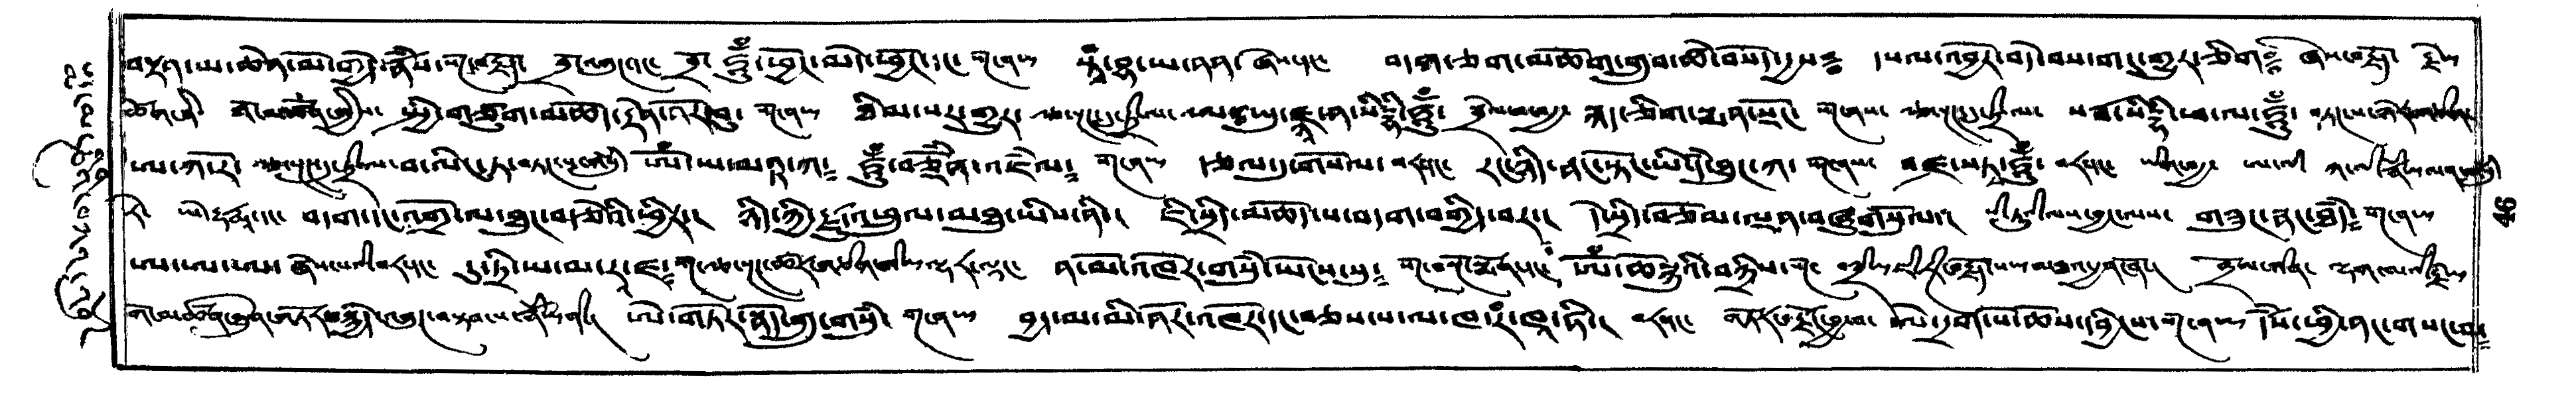བསྟན་མ་ཆེན་མོ་ཁྱེད་རྣམས༴ སོགས་བརྗོད། བྲོ་འགུགས་དང་། རྟ་བྲོ། ཧཱུྃ༔ཕྱོགསམེད་ཕྱོགས་དང༴ སོགས་ནས། སྟྭཾ་བྷ་ཡ་ནན༔ ཞེས་དང་། བདག་ཅག་མཆོག་གྲུབ་ཚེ་བསོད་རྒྱས༔ དཔལ་འབྱོར་བདེ་བས་གང་གྱུར་ཅིག༔ ཞེས་བརྗོད་རྗེས་
ཆོག་ནི། གོ་མཚོན་གྱིས། སྤྱི་གཙུག་མཆོད་རྟེན་ནོར་བུ༴ སོགས་ནས། ཐིམ་པར་གྱུར༔ རྩ་སྔགས་དུ་ཏྀ་ལ་ཨཿཡུ་ཛྙཱ་ན་སིདྡྷི་ཧཱུྃ༔ སྦྲེལ་བ་བརྒྱ།སྐད་ཅིག་སྨན་སྡོང༴ སོགས་ནས། རྩ་སྔགས་དུ་ཏྲི་ལ། སརྦ་སིདྡྷི་ཕ་ལ་ཧཱུྃ༔ བཏགས་པ་ཉེར་གཅིག་
ཨ་ཀ་རོ༴ རྩ་སྔགས་དུ་ཏྲི་ལ་བ་ལིང་ཏ་བཏགས་པ་གསུམ། ཨོཾ་ཡ་མནྟ་ཀ༴ ཧཱུྃ༔བཅོམ་ལྡན་འདས་འཇམ་དཔལ༴ རྩལ་དུ་གསོལ༔བར་དང་། རང་ཉིད་སྣང་སྟོང་ཡི་དམ་ཐུགས་ཀ༴ སོགས་ནས། བཛྲ་སཏྭ་ཧཱུྃ༔ བར་དང་། ཡིག་བརྒྱ། ཨ་ལི། ཀ་ལི། རྣམས་ལན་གསུམ་
རེ། ཡེ་དྷརྨཱ་དང་། བདག་དང་འགྲོ་ལ་ཐུགས་བརྩེའི་ཕྱིར། །ཉིད་ཀྱི་རྫུ་འཕྲུལ་མཐུ་ཡིས་ནི། །ཇི་སྲིད་མཆོད་པ་བདག་བགྱིད་བར། །དེ་སྲིད་བཅོམ་ལྡན་བཞུགས་སུ་གསོལ། སི་ཏུའི་ལས་བྱང་ལས། གཟུགས་སྣང་ཐམས་ཅད༴ སོགས་ནས། 
ཨ་ཨ་ཨ༔ ཞེས་པའི་བར་དང་། དུ་ཏྲི་ཡ་མ་རཱ་ཛ༴ སོགས་རྩ་སྔགས་ཚར་གཅིག་གིས་ལྷར་ལྡང་། ན་མོ༔འཁོར་གསུམ་ཡོངས་སུ༴ སོགས་བསྔོ་སྨོན་དང་། ཨོཾ༔ཆོས་སྐུའི་བཀྲ་ཤིས༴ སོགས། བཀྲིས་ཇི་རིགས་བརྗོད་པས་མཐའ་བརྒྱན་ནོ། གྲོལ་ཉིན། ལྷག་མའི་རྗེས་
གོ་མཚོན་ཐུན་གཏོར་བསྐྱེད་འགུགས་བསྟབ་པ་རྣམས་ནི། ཨེཿགཏོར་སྣོད་གྲུ་གསུམ༴ སོགས་ནས། བྱད་མ་མི་ནོར་འཁོར་དང་བཅས་པ་ལ་ཁ་རཾ་ཁཱ་ཧི༴ བར་དང་། གཏོར་བརྫོང་བྱ་བ། ཨེཿདྲག་པོ་ཆོས་དབྱིངས༴ སོགས་ནས། དམ་རྫས་ཕྱི་ནང་གསང་བ༴